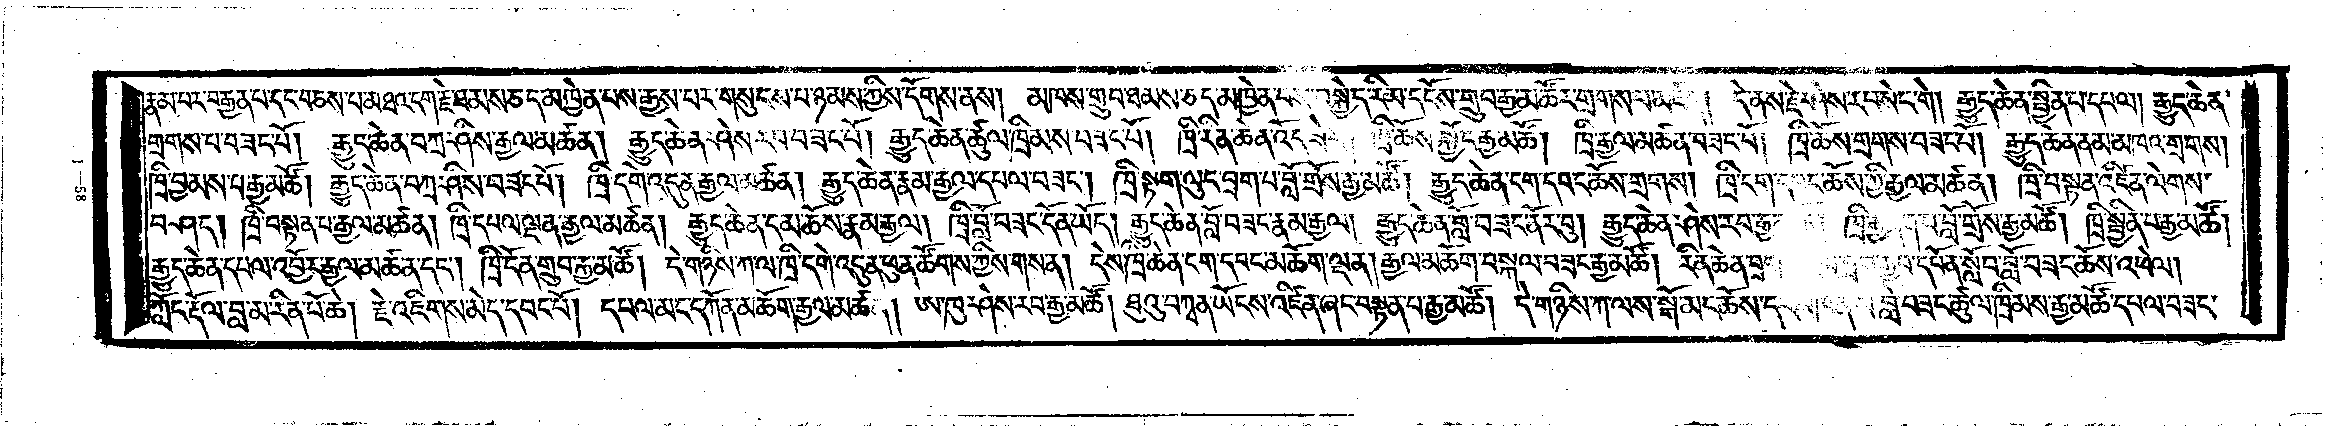རྣམ་པར་བརྒྱན་པ་དང་བཅས་པ་མཐའ་དག་རྗེ་ཐམས་ཅད་མཁྱེན་པས་རྒྱས་པར་གསུངས་པ་ཉམས་ཀྱིས་དོགས་ནས། མཁས་གྲུབ་ཐམས་ཅད་མཁྱེན་པས་བསྐྱེད་རིམ་དངོས་གྲུབ་རྒྱ་མཚོར་གྲགས་པ་མཛད། དེ་ནས་རྗེ་ཤེས་རབ་སེང་གེ། རྒྱུད་ཆེན་སྦྱིན་པ་དཔལ། རྒྱུད་ཆེན་
གྲགས་པ་བཟང་པོ། རྒྱུད་ཆེན་བཀྲ་ཤེས་རྒྱལ་མཚན། རྒྱུད་ཆེན་ཤེས་རབ་བཟང་པོ། རྒྱུད་ཆེན་ཚུལ་ཁྲིམས་བཟང་པོ། ཁྲི་རིན་ཆེན་འོད་ཟེར། ཁྲོ་ཆོས་སྐྱོང་རྒྱ་མཚོ། ཁྲི་རྒྱལ་མཚན་བཟང་པོ། ཁྲོ་ཆོས་གྲགས་བཟང་པོ། རྒྱུད་ཆེན་ནམ་མཁའ་གྲགས།
ཁྲི་བྱམས་པ་རྒྱ་མཚོ། རྒྱུད་ཆེན་བཀྲ་ཤིས་བཟང་པོ། ཁྲི་དགེ་འདུལ་རྒྱལ་མཚན། རྒྱུད་ཆེན་རྣམ་རྒྱལ་དཔལ་བཟང་། ཁྲི་སྟག་ལུང་བྲག་པ་བློ་གྲོས་རྒྱ་མཚོ། རྒྱུད་ཆེན་ངག་དབང་ཆོས་གྲགས། ཁྲི་ངག་དབང་ཆོས་ཀྱི་རྒྱལ་མཚན། འཁོར་བསྟན་འཛིན་ལེགས་
བཤད། ཁྲི་བསྟན་པ་རྒྱལ་མཚན། ཁྲི་དཔལ་ལྡན་རྒྱལ་མཚན། རྒྱུད་ཆེན་དམ་ཆོས་རྣམ་རྒྱལ། ཁྲི་བློ་བཟང་དོན་ཡོད། རྒྱུད་ཆེན་བློ་བཟང་རྣམ་རྒྱལ། རྒྱུད་ཆེན་བློ་བཟང་ནོར་བུ། རྒྱུད་ཆེན་ཤེས་རབ་རྒྱ་མཚོ། ཁྲོ་རྒྱ་ནག་པ་བློ་གྲོས་རྒྱ་མཚོ། ཁྲི་སྦྱིན་པ་རྒྱ་མཚོ།
རྒྱུད་ཆེན་དཔལ་འབྱོར་རྒྱལ་མཚན་དང་། ཁྲི་དོན་གྲུབ་རྒྱ་མཚོ། དེ་གཉིས་ཀ་ལ་ཁྲི་དགེ་འདུན་ཕུན་ཚོགས་ཀྱིས་གསན། དེས་ཁྲི་ཆེན་ངག་དབང་མཆོག་ལྡན། རྒྱལ་མཆོག་བསྐལ་བཟང་རྒྱ་མཚོ། རིན་ཆེན་བྲག་པའམ་གྲག་རྒྱབ་དཔོན་སློབ་བློ་བཟང་ཆོས་འཕེལ།
ཀློང་རྡོལ་བླ་མ་རིན་པོ་ཆེ། རྗེ་འཇིགས་མེད་དབང་པོ། དཔལ་མང་དཀོན་མཆོག་རྒྱལ་མཚན། ཨ་ཁུ་ར་ཤེས་རབ་རྒྱ་མཚོ། ཐུའུ་བཀྭན་ཡོངས་འཛིན་ཞང་བསྟན་པ་རྒྱ་མཚོ། དེ་གཉིས་ཀ་ལས་སྒོ་མང་ཆོས་དར་མཁན་པོ་བློ་བཟང་ཚུལ་ཁྲིམས་རྒྱ་མཚོ་དཔལ་བཟང་